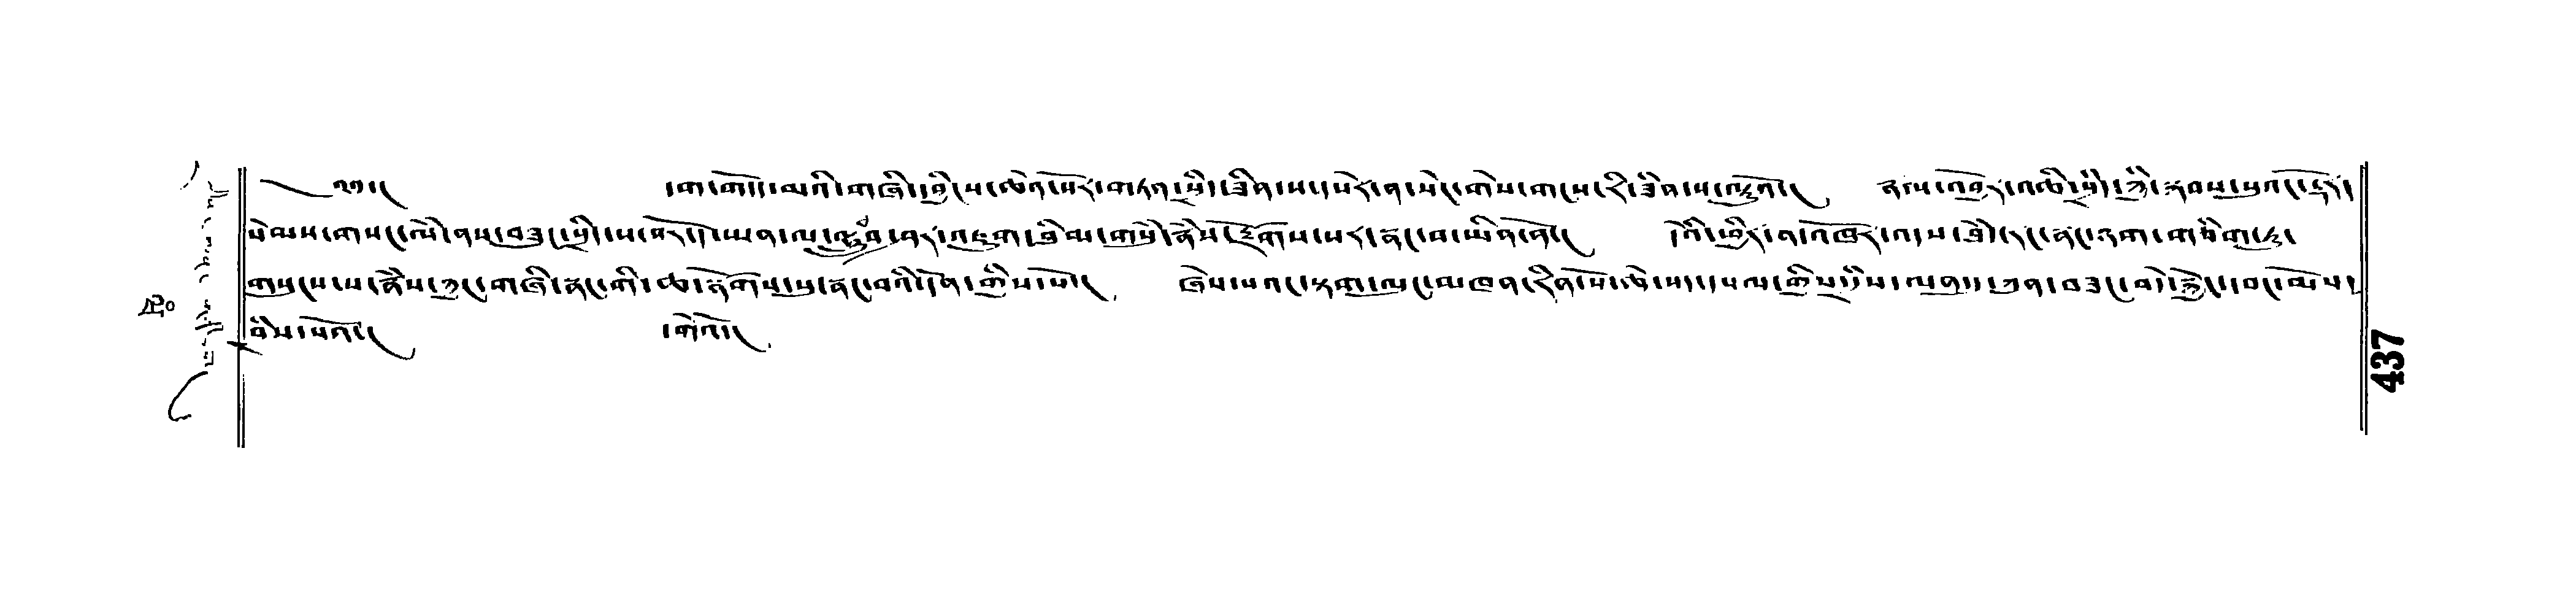དག་གདོད་མའི་གཞི་དབྱིངས་ཆེན་པོར་གཏན་སྲིད་ཟིན་པ་དཔེར་ན་སེང་གེས་གངས་རི་ཟིན་པ་ལྟ་བུའོ། རྣལ་འབྱོར་འཆི་སྲིད་ཀྱི་སྐབས་སུའང་རྡོར་
སེམས་གསང་ལམ་ནས་བཟུང་སྲིད་པ་བར་དོ་ཡན་ལ་ལྷུན་གྲུབ་ཤར་འཇུག་ཐིམ་གསུམ་རྣམས་རྫོགས་པར་སྣང་བ་ཡིན་ནོ། དེའི་ཕྱིར་ན་འཁོར་འདས་ཐམས་ཅད་རང་སྣང་ཉག་གཅིག་ཏུ་
གསུངས་པ་རྣམས་ཀྱང་གཞི་སྣང་གི་ཆ་སྣ་ཚོགས་སུ་སྣང་བའི་དོན་གྱིས་སོ། ཞེས་པའང་སྟག་ལུང་མཁན་རིན་པོ་ཆེ་པད་དཔལ་གྱིས་དྲིས་ལན་དུ་ཀུན་བཟང་བདེ་སྐྱོང་དབང་མོས་
བྲིས་པའོ།། དགེའོ།